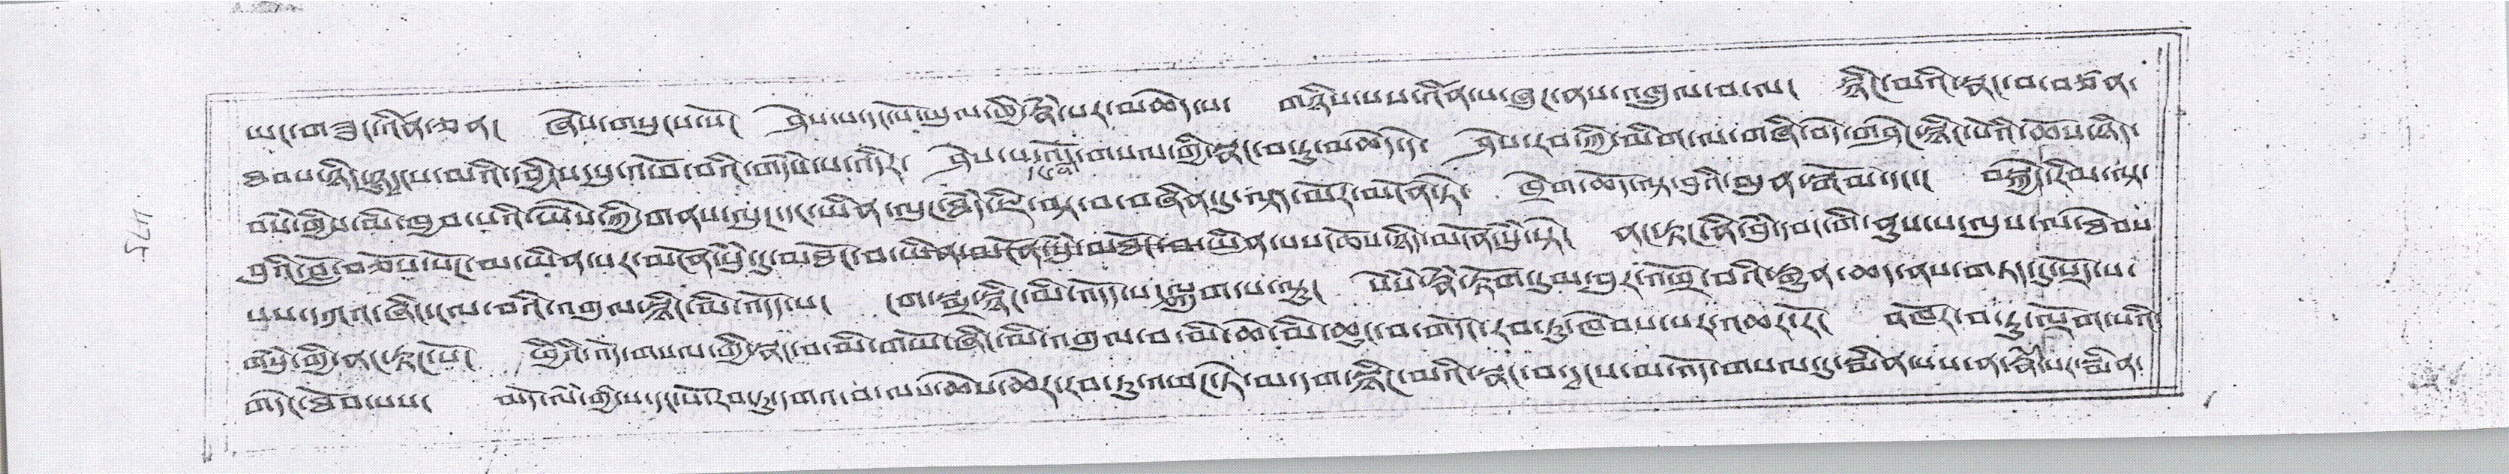ཡང་གཟུང་འཛིན་ཅན། ཞེས་གསུངས་སོ། ཤེས་པ་དང་པོ་ཡུལ་གྱི་རྣམ་པར་མཆེད་པ། གཉིས་པས་འཛིན་པ་ཞུགས་ནས་འཁྲུལ་པ་ལ། སྙིགས་མའི་སྣང་བ་བཙན་
ཐབས་ཉིད་དུ་དྭངས་མའི་དབྱིངས་སུ་འཕོ་བའི་གདམས་པ་འདིར། ཤེས་པ་དང་པོ་འོད་གསལ་གྱི་སྣང་བ་རུ་མཆེད་དེ། ཤེས་རབ་ཀྱི་མིག་ལ་གཞི་བདེར་གཤེགས་སྙིང་པོའི་ཆོས་ཉིད་
བསམ་གྱིས་མི་ཁྱབ་པའི་ཡེ་ཤེས་ཀྱི་གནས་ལུགས་དང་ཡིན་ལུགས་ཐམས་ཅད་ཇི་ལྟ་བ་བཞིན་དུ་ལྟད་མོར་མངོན་ཏེ། ཁྲེག་ཆོད་ལྟ་བུའི་མུན་སྒོམ་དང་། བསྐྱེད་རིམ་ལྟ་
བུའི་བློ་བཅོས་སོགས་མ་ཡིན་པར་མངོན་སུམ་དུ་མཐོང་བ་ཡིན་པས་ཆོས་ཉིད་མངོན་སྟེ། ནང་རྟགས་ནི་བུམ་དབང་གི་ནུས་པ་ལུས་ལ་ཐེབས་
པས་དཀའ་ཞིང་ངལ་བས་འགུལ་སྙིང་མི་འདོད་པ། ངག་སྨྲ་སྙིང་མི་འདོད་པ་ལྐུགས་པ་ལྟ་བུ། སེམས་རྣམ་རྟོག་དུམ་བུར་འཕྲོ་བའི་རྒྱུན་ཆད་ནས་གཏད་དུ་སྡོད་པ་
གསུམ་གྱི་ནང་རྟགས་སོ། ཕྱིའི་འོད་གསལ་གྱི་སྣང་བ་མི་གཡོ་ཞིང་མི་འགུལ་བ་མི་ཆེ་མི་ཆུང་བ་གདོང་རབ་ཏུ་ཁེབས་པར་འཆར་རོ། འཁོར་བ་རུ་ལྡོག་པའི་
གདེང་ཐོབ་པས། མདོ་ལམ་གྱི་ས་དང་པོ་རབ་ཏུ་དགའ་བ་ལས་ཆེས་ཆེར་རབ་ཏུ་འཕགས་ཏེ་མ་དག་སྙིགས་མའི་སྣང་བ་དྭངས་མ་འོད་གསལ་དུ་སྨིན་པས་ན་རྣམ་པར་སྨིན་